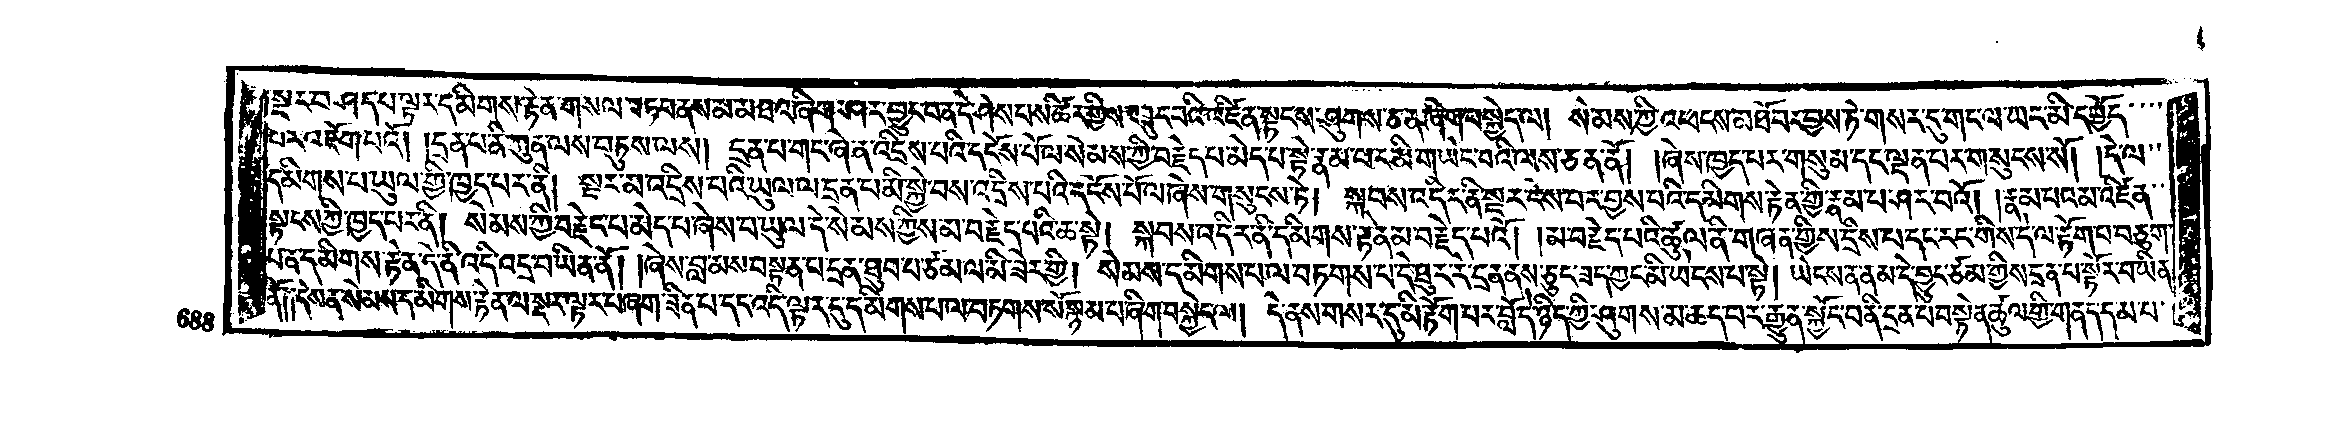སྔར་བཤད་པ་ལྟར་དམིགས་རྟེན་གསལ་བཏབ་ནས་མ་མཐའ་ཞིག་ཤར་བྱུང་བ་ན་དེ་ཤེས་པས་ཚིར་གྱིས་བཟུང་བའི་འཛིན་སྟངས་ཤུགས་ཅན་ཞིག་བསྐྱེད་ལ། སེམས་ཀྱི་འཕངས་མཐོ་བར་བྱས་ཏེ་གསར་དུ་གང་ལ་ཡང་མི་དཔྱོད་
པར་འཇོག་པའོ། །དྲན་པ་ནི་ཀུན་ལས་བཏུས་ལས། དྲན་པ་གང་ཞེ་ན་འདྲིས་པའི་དངོས་པོ་ལ་སེམས་ཀྱི་བརྗེད་པ་མེད་པ་སྟེ་རྣམ་པར་མི་གཡེང་བའི་ལས་ཅན་ནོ། །ཞེས་ཁྱད་པར་གསུམ་དང་ལྡན་པར་གསུངས་སོ། །དེ་ལ་
དམིགས་པ་ཡུལ་གྱི་ཁྱད་པར་ནི། སྔར་མ་འདྲིས་པའི་ཡུལ་ལ་དྲན་པ་མི་སྐྱེ་བས་འདྲིས་པའི་དངོས་པོ་ལ་ཞེས་གསུངས་ཏེ། སྐབས་འདིར་ནི་སྔར་ངེས་པར་བྱས་པའི་དམིགས་རྟེན་གྱི་རྣམ་པ་ཤར་བའོ། །རྣམ་པའམ་འཛིན་
སྟངས་ཀྱི་ཁྱད་པར་ནི། སེམས་ཀྱི་བརྗེད་པ་མེད་པ་ཞེས་པ་ཡུལ་དེ་སེམས་ཀྱིས་མ་བརྗེད་པའི་ཆ་སྟེ། སྐབས་འདིར་ནི་དམིགས་རྟེན་མ་བརྗེད་པའོ། །མ་བརྗེད་པའི་ཚུལ་ནི་གཞན་གྱིས་དྲིས་པ་དང་རང་གིས་དེ་ལ་རྟོག་པ་བཅུག་
པ་ན་དམིགས་རྟེན་དེ་ནི་འདི་འདྲ་བ་ཡིན་ནོ། །ཞེས་བླ་མས་བསྟན་པ་དྲན་ཐུབ་པ་ཙམ་ལ་མི་ཟེར་གྱི། སེམས་དམིགས་པ་ལ་བཏགས་པ་དེ་ཐུར་རེ་དྲན་ནས་ཅུང་ཟད་ཀྱང་མི་ཡེངས་པ་སྟེ། ཡེངས་ན་ནམ་དེ་བྱུང་ཙམ་གྱིས་དྲན་པ་སྟོར་བ་ཡིན་
ནོ༑ ༑དེས་ན་སེམས་དམིགས་རྟེན་ལ་སྔར་ལྟར་བཞག་ཟིན་པ་དང་འདི་ལྟར་དུ་དམིགས་པ་ལ་བཏགས་སོ་སྙམ་པ་ཞིག་བསྐྱེད་ལ། དེ་ནས་གསར་དུ་མི་རྟོག་པར་བློ་དེ་ཉིད་ཀྱི་ཤུགས་མ་ཆད་པར་རྒྱུན་སྐྱོང་བ་ནི་དྲན་པ་བསྟེན་ཚུལ་གྱི་གནད་དམ་པ་